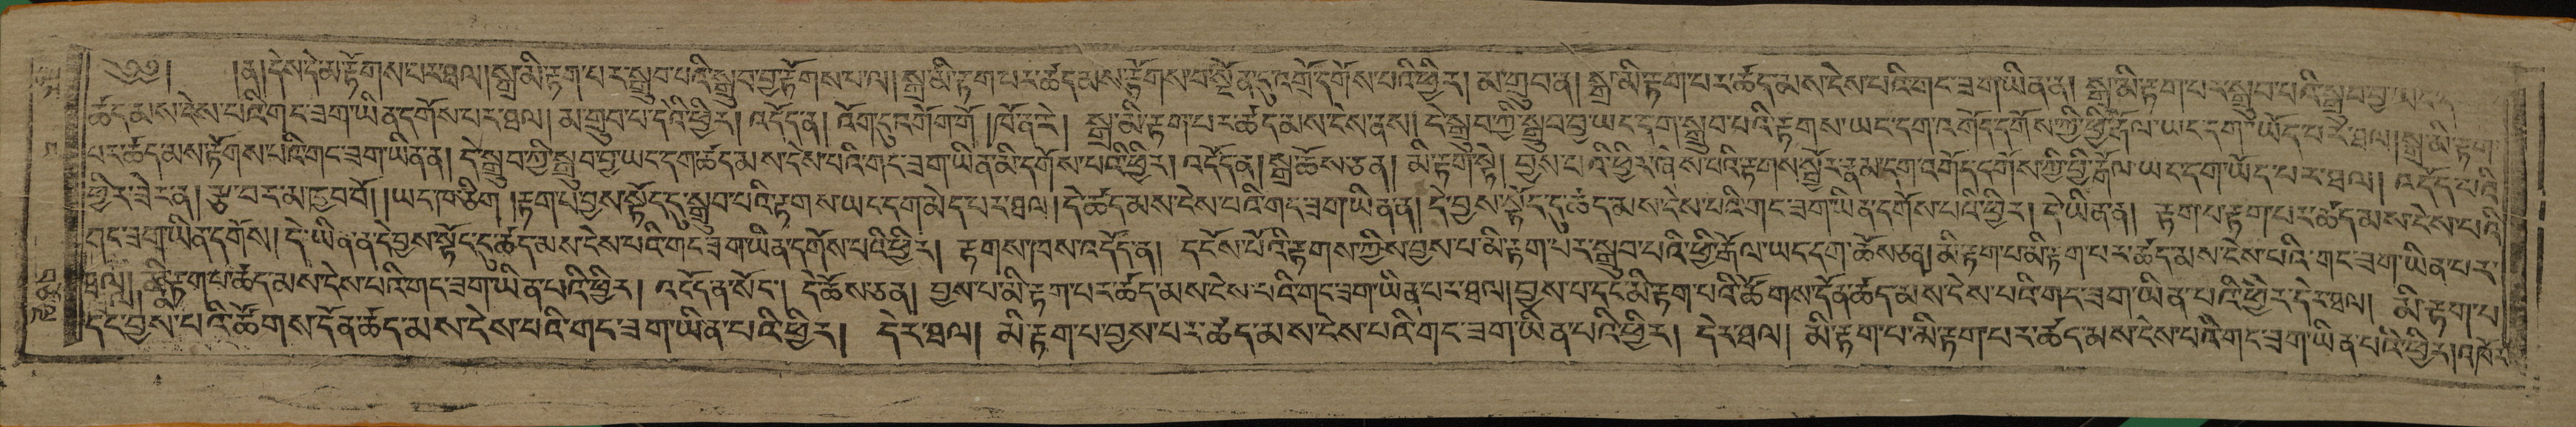༄༅། །ན། དེས་དེ་མ་རྟོགས་པར་ཐལ། སྒྲ་མི་རྟག་པར་སྒྲུབ་པའི་བསྒྲུབ་བྱ་རྟོགས་པ་ལ། སྒྲ་མི་རྟག་པར་ཚད་མས་རྟོགས་བ་སྔོན་དུ་འགྲོ་དགོས་པའི་ཕྱིར། མ་གྲུབ་ན། སྒྲ་མི་རྟག་པར་ཚད་མས་ངེས་པའི་གང་ཟག་ཡིན་ན། སྒྲ་མི་རྟག་པར་སྒྲུབ་པའི་སྒྲུབ་བྱ་ཡང་དག་
ཚད་མས་ངེས་པའི་གང་ཟག་ཡིན་དགོས་པར་ཐལ། མ་གྲུབ་པ་དེའི་ཕྱིར། འདོད་ན། འོག་དུ་འགོག་གོ །ཁོ་ན་རེ། སྒྲ་མི་རྟག་པར་ཚད་མས་ངེས་ནས། དེ་སྒྲུབ་ཀྱི་བསྒྲུབ་བྱ་ཡང་དག་སྒྲུབ་པའི་རྟགས་ཡང་དག་འགོད་དགོས་ཀྱི་ཕྱི་རྒོལ་ཡང་དག་ཡོད་པར་ཐལ། སྒྲ་མི་རྟག་
པར་ཚད་མས་རྟོགས་པའི་གང་ཟག་ཡིན་ན། དེ་སྒྲུབ་ཀྱི་བསྒྲུབ་བྱ་ཡང་དག་ཚད་མས་ངེས་པའི་གང་ཟག་ཡིན་མི་དགོས་པའི་ཕྱིར། འདོད་ན། སྒྲ་ཆོས་ཅན། མི་རྟག་སྟེ། བྱས་པའི་ཕྱིར་ཞེས་པའི་རྟགས་སྦྱོར་རྣམ་དག་འགོད་དགོས་ཀྱི་ཕྱི་རྒོལ་ཡང་དག་ཡོད་པར་ཐལ། འདོད་པའི་
ཕྱིར་ཟེར་ན། རྩ་བར་མ་ཁྱབ་བོ། །ཡང་ཁ་ཅིག །རྟག་པ་བྱས་སྟོང་དུ་སྒྲུབ་པའི་རྟགས་ཡང་དག་མེད་པར་ཐལ། དེ་ཚད་མས་ངེས་པའི་གང་ཟག་ཡིན་ན། དེ་བྱས་སྟོང་དུ་ཚད་མས་ངེས་པའི་གང་ཟག་ཡིན་དགོས་པའི་ཕྱིར། དེ་ཡིན་ན། རྟག་པ་རྟག་པར་ཚད་མས་ངེས་པའི་
གང་ཟག་ཡིན་དགོས། དེ་ཡིན་ན་དེ་བྱས་སྟོང་དུ་ཚད་མས་ངེས་པའི་གང་ཟག་ཡིན་དགོས་པའི་ཕྱིར། རྟགས་ཁས་འདོད་ན། དངོས་པོའི་རྟགས་ཀྱིས་བྱས་པ་མི་རྟག་པར་སྒྲུབ་པའི་ཕྱིར་རྒོལ་ཡང་དག་ཆོས་ཅན། མི་རྟག་པ་མི་རྟག་པར་ཚད་མས་ངེས་པའི་གང་ཟག་ཡིན་པར་
ཐལ། མི་རྟག་པ་ཚད་མས་ངེས་པའི་གང་ཟག་ཡིན་པའི་ཕྱིར། འདོད་ན་སོང་། དེ་ཆོས་ཅན། བྱས་པ་མི་རྟག་པར་ཚད་མས་ངེས་པའི་གང་ཟག་ཡིན་པར་ཐལ། བྱས་པ་དང་མི་རྟག་པའི་ཚོགས་དོན་ཚད་མས་ངེས་པའི་གང་ཟག་ཡིན་པའི་ཕྱིར་དེར་ཐལ། མི་རྟག་པ་
དང་བྱས་པའི་ཚོགས་དོན་ཚད་མས་ངེས་པའི་གང་ཟག་ཡིན་པའི་ཕྱིར། དེར་ཐལ། མི་རྟག་པ་བྱས་པར་ཚད་མས་ངེས་པའི་གང་ཟག་ཡིན་པའི་ཕྱིར། དེར་ཐལ། མི་རྟག་པ་མི་རྟག་པར་ཚད་མས་ངེས་པའི་གང་ཟག་ཡིན་པའི་ཕྱིར། འཁོར་